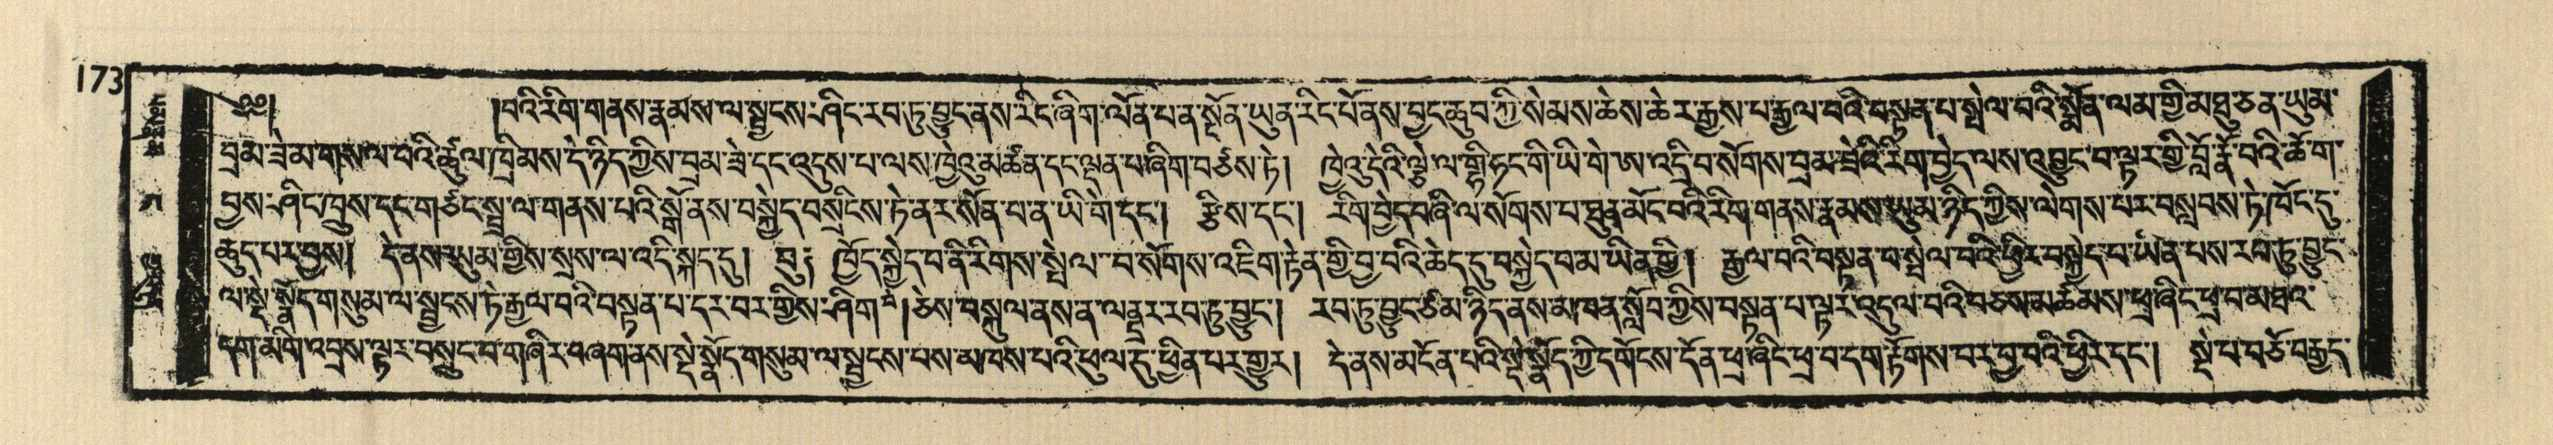༄༅། །བའི་རིག་གནས་རྣམས་ལ་སྦྱངས་ཤིང་རབ་ཏུ་བྱུང་ནས་རིང་ཞིག་ལོན་པ་ན་སྔོན་ཡུན་རིང་པོ་ནས་བྱང་ཆུབ་ཀྱི་སེམས་ཆེས་ཆེར་རྒྱས་པ་རྒྱལ་བའི་བསྟན་པ་སྤེལ་བའི་སྨོན་ལམ་གྱི་མཐུ་ཅན་ཡུམ་
བྲམ་ཟེ་མ་གསལ་བའི་ཚུལ་ཁྲིམས་དེ་ཉིད་ཀྱིས་བྲམ་ཟེ་དང་འདུས་པ་ལས་ཁྱེའུ་མཚན་དང་ལྡན་པ་ཞིག་བཙས་ཏེ། ཁྱེའུ་དེའི་ལྕེ་ལ་གྷི་ཧང་གི་ཡི་གེ་ཨ་འདྲི་བ་སོགས་བྲམ་ཟེའི་རིག་བྱེད་ལས་འབྱུང་བ་ལྟར་གྱི་བློ་རྣོ་བའི་ཆོ་ག་
བྱས་ཤིང་ཁྲུས་དང་གཙང་སྦྲ་ལ་གནས་པའི་སྒོ་ནས་བསྐྱེད་བསྲིངས་ཏེ་ནར་སོན་པ་ན་ཡི་གེ་དང་། རྩིས་དང་། རིག་བྱེད་བཞི་ལ་སོགས་པ་ཐུན་མོང་བའི་རིག་ནས་རྣམས་ཡུམ་ཉིད་ཀྱིས་ལེགས་པར་བསླབས་ཏེ་ཁོང་དུ་
ཆུད་པར་བྱས། དེ་ནས་ཡུམ་གྱིས་སྲས་ལ་འདི་སྐད་དུ། བུ༑ ཁྱོད་སྐྱེད་བ་ནི་རིགས་སྤེལ་བ་སོགས་འཇིག་རྟེན་གྱི་བྱ་བའི་ཆེད་དུ་བསྐྱེད་བ་མ་ཡིན་གྱི། རྒྱལ་བའི་བསྟན་པ་སྦེལ་བའི་ཕྱིར་བསྐྱེད་པ་ཡིན་པས་རབ་ཏུ་བྱུང་
ལ་སྡེ་སྣོད་གསུམ་ལ་སྦྱངས་ཏེ་རྒྱལ་བའི་བསྟན་པ་དར་བར་གྱིས་ཤིག །ཅེས་བསྐུལ་ནས་ན་ལནྡྲར་རབ་ཏུ་བྱུང་། རབ་ཏུ་བྱུང་ཙམ་ཉིད་ནས་མཁན་སློབ་ཀྱིས་བསྟན་པ་ལྟར་འདུལ་བའི་བཅས་མཚམས་ཕྲ་ཞིང་ཕྲ་བ་མཐའ་
དག་མིག་འབྲས་ལྟར་བསྲུང་བ་གཞིར་བཞག་ནས་སྡེ་སྣོད་གསུམ་ལ་སྦྱངས་པས་མཁས་པའི་ཕུལ་དུ་ཕྱིན་པར་གྱུར། དེ་ནས་མངོན་པའི་སྡེ་སྣོད་ཀྱི་དགོངས་དོན་ཕྲ་ཞིང་ཕྲ་བ་དག་རྟོགས་བར་བྱ་བའི་ཕྱིར་དང་། སྡེ་པ་བཅོ་བརྒྱད་